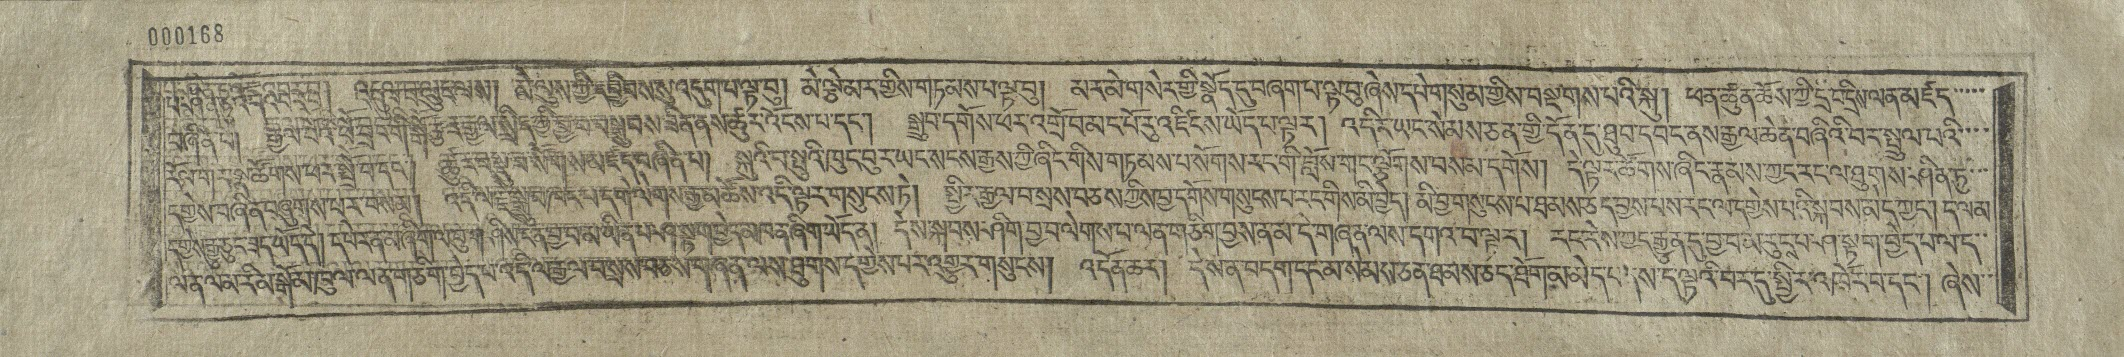པ་ཤིན་ཏུ་འོད་འབར་བ། འདུལ་བ་ལུང་ལས། མེ་ལུས་ཀྱི་དབྱིབས་སུ་འདུག་པ་ལྟ་བུ། མེ་ལྕེ་མར་གྱིས་གཏམས་པ་ལྟ་བུ། མར་མེ་གསེར་གྱི་སྣོད་དུ་བཞག་པ་ལྟ་བུ་ཞེས་དཔེ་གསུམ་གྱིས་བསྔགས་པའི་སྐུ། ཕན་ཚུན་ཆོས་ཀྱི་དྲི་བ་དྲིས་ལན་མཛད་
བཞིན་པ། རྒྱལ་པོའི་ཕོ་བྲང་གི་སྒོ་རྩར་རྒྱལ་སྲིད་ཀྱི་བྱ་བ་བསྒྲུབས་ཟིན་ནས་ཚུར་འོངས་པ་དང་། སྒྲུབ་དགོས་ཕར་འགྲོ་བ་མང་པོ་རུ་འཛིངས་ཡོད་པ་ལྟར། འདིར་ཡང་སེམས་ཅན་གྱི་དོན་དུ་ཐུབ་དབང་ནས་རྒྱལ་ཆེན་བཞིའི་བར་སྤྲུལ་པའི་
རོལ་གར་སྣ་ཚོགས་ཕར་སྤྲོ་བ་དང་། ཚུར་བསྡུ་བ་སོགས་མཛད་བཞིན་པ། སྐུའི་བ་སྤུའི་ཁུང་བུར་ཡང་སངས་རྒྱས་ཀྱི་ཞིང་གིས་གཏམས་པ་སོགས་རང་གི་བློས་གང་ལྕོགས་བསམ་དགོས། དེ་ལྟར་ཚོགས་ཞིང་རྣམས་ཀྱང་རང་ལ་ཐུགས་ཤིན་ཏུ་
དགྱེས་བཞིན་བཞུགས་པར་བསམ། འདི་ལ་རྗེ་སྒྲུབ་པ་ཁང་པ་དགེ་ལེགས་རྒྱ་མཚོས་འདི་ལྟར་གསུངས་ཏེ། སྤྱིར་རྒྱལ་བ་སྲས་བཅས་ཀྱིས་བྱ་དགོས་གསུངས་པ་རང་གིས་མི་བྱེད། མི་བྱ་གསུངས་པ་ཐམས་ཅད་བྱས་པས་རང་ལ་དགྱེས་པའི་སྐབས་མེད་ཀྱང་། ད་ལམ་
དགྱེས་རྒྱུ་ཅུང་ཟད་ཡོད་དེ། དཔེར་ན་མ་ཞིག་ལ་བུ་གཤིས་ངན་བྱ་བ་མ་ཡིན་པ་ཤ་སྟག་བྱེད་མཁན་ཞིག་ཡོད་ན། དེས་སྐབས་ཤིག་བྱ་བ་ལེགས་པ་ལན་གཅིག་བྱས་ན་མ་དེ་གཞན་ལས་དགའ་བ་ལྟར། རང་རེས་ཀྱང་རྒྱུན་དུ་བྱ་བ་མ་རུངས་པ་ཤ་སྟག་བྱེད་པ་ལ་ད་
ལན་ལམ་རིམ་སྒོམ་ཁུལ་ལན་གཅིག་བྱེད་པ་འདི་ལ་རྒྱལ་པ་སྲས་བཅས་གཞན་ལས་ཐུགས་དགྱེས་པར་འགྱུར་གསུངས། འདོན་ཆར། དེས་ན་བདག་དང་མ་སེམས་ཅན་ཐམས་ཅད་ཐོག་མ་མེད་པ་ནས་ད་ལྟའི་བར་དུ་སྤྱིར་འཁོར་བ་དང་། ཞེས་